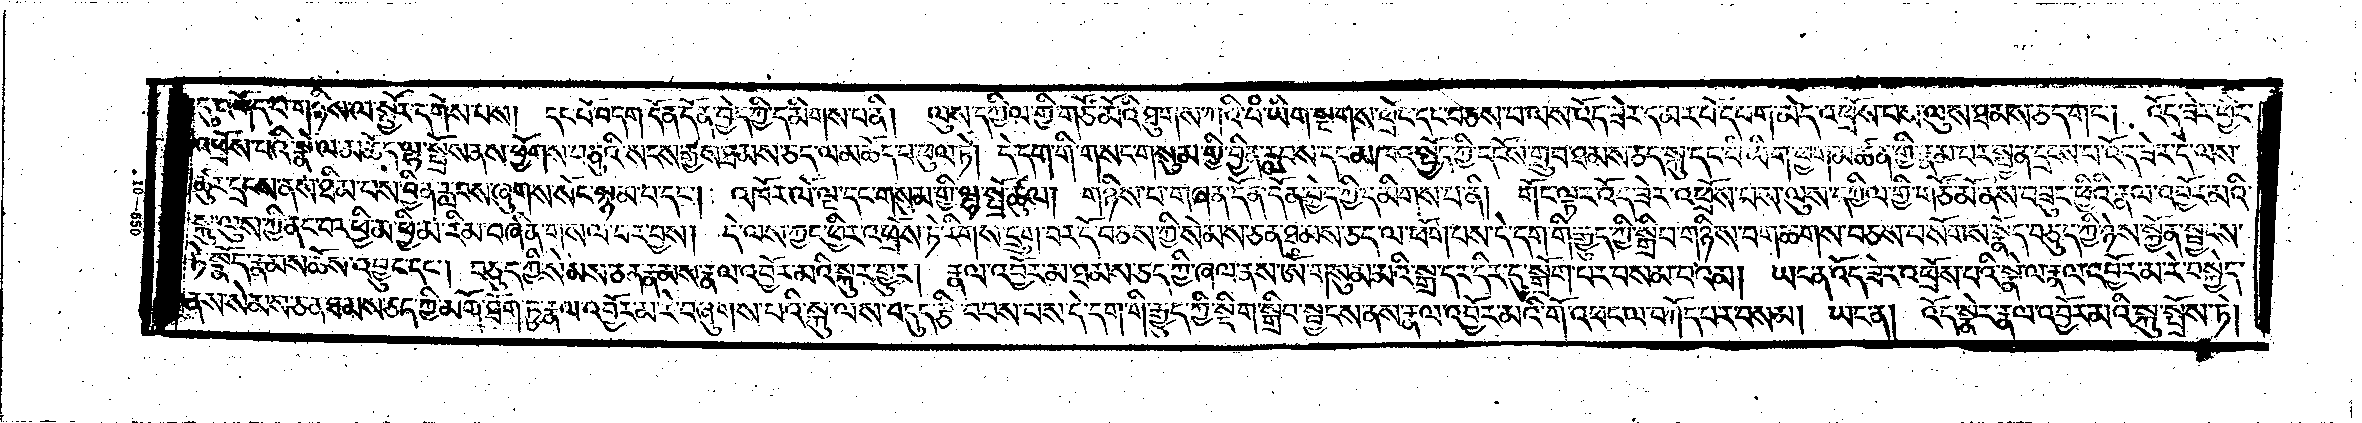དུ་འགོད་པ་གཉིས་ལ་སྦྱོར་དགོས་པས། དང་པོ་བདག་དོན་དོན་བྱེད་ཀྱི་དམིགས་པ་ནི། ལུས་དཀྱིལ་གྱི་གཙོ་མོའི་ཐུགས་ཀའི་བཾ་ཡིག་སྔགས་ཕྲེང་དང་བཅས་པ་ལས་འོད་ཟེར་དམར་པོ་དཔག་མེད་འཕྲོས་པས་ལུས་ཐམས་ཅད་གང་། འོད་ཟེར་ཕྱིར་
འཕྲོས་པའི་སྣེ་ལ་མཆོད་ལྷ་སྤྲོས་ནས་ཕྱོགས་བཅུའི་སངས་རྒྱས་ཐམས་ཅད་ལ་མཆོད་པ་ཕུལ་ཏེ། དེ་དག་གི་གསང་གསུམ་གྱི་བྱིན་རླབས་དང་མཁའ་སྤྱོད་ཀྱི་དངོས་གྲུབ་ཐམས་ཅད་སྐུ་དང་བཾ་ཡིག་ཕྱག་མཚན་གྱི་རྣམ་པར་སྤྱན་དྲངས་པ་འོད་ཟེར་དེ་ལས་
ཚུར་དྲངས་ནས་ཐིམ་པས་བྱིན་རླབས་ཞུགས་སོང་སྙམ་པ་དང་། འཁོར་ལོ་ལྔ་དང་གསུམ་གྱི་ལྷ་སྤྲོ་ཚུལ། གཉིས་པ་གཞན་དོན་དོན་བྱེད་ཀྱི་དམིགས་པ་ནི། གོང་ལྟར་འོད་ཟེར་འཕྲོས་པས་ལུས་དཀྱིལ་གྱི་གཙོ་མོ་ནས་བཟུང་ཕྱིའི་རྣལ་འབྱོར་མའི་
སྐུ་ལུས་ཀྱི་ནང་བར་ཕྱི་མ་ཕྱི་མ་རིམ་བཞིན་གསལ་བར་བྱས། དེ་ལས་ཀྱང་ཕྱིར་འཕྲོས་ཏེ་རིགས་དུག་བར་དོ་བཅས་ཀྱི་སེམས་ཅན་ཐམས་ཅད་ལ་ཕོག་པས་དེ་དག་གི་རྒྱུད་ཀྱི་སྒྲིབ་གཉིས་བག་ཆགས་བཅས་པ་སོགས་སྣོད་བཅུད་ཀྱི་ཉེས་སྐྱོན་སྦྱངས་
ཏེ་སྣོད་རྣམས་ཆོས་འབྱུང་དང་། བཅུད་ཀྱི་སེམས་ཅན་རྣམས་རྣལ་འབྱོར་མའི་སྐུར་གྱུར། རྣལ་འབྱོར་མ་ཐམས་ཅད་ཀྱི་ཞལ་ནས་ཨོཾ་གསུམ་མའི་སྒྲ་དར་དིར་དུ་སྒྲོག་པར་བསམ་པའམ། ཡང་ན་འོད་ཟེར་འཕྲོས་པའི་སྣེ་ལ་རྣལ་འབྱོར་མ་རེ་བསྐྱེད་
ནས་སེམས་ཅན་ཐམས་ཅད་ཀྱི་མགོ་ཐོག་ཏུ་རྣལ་འབྱོར་མ་རེ་བཞུགས་པའི་སྐུ་ལས་བདུད་རྩི་བབས་པས་དེ་དག་གི་རྒྱུད་ཀྱི་སྡིག་སྒྲིབ་སྦྱངས་ནས་རྣལ་འབྱོར་མའི་གོ་འཕང་ལ་བཀོད་པར་བསམ། ཡང་ན། འོད་སྣེར་རྣལ་འབྱོར་མའི་སྐུ་སྤྲོས་ཏེ།